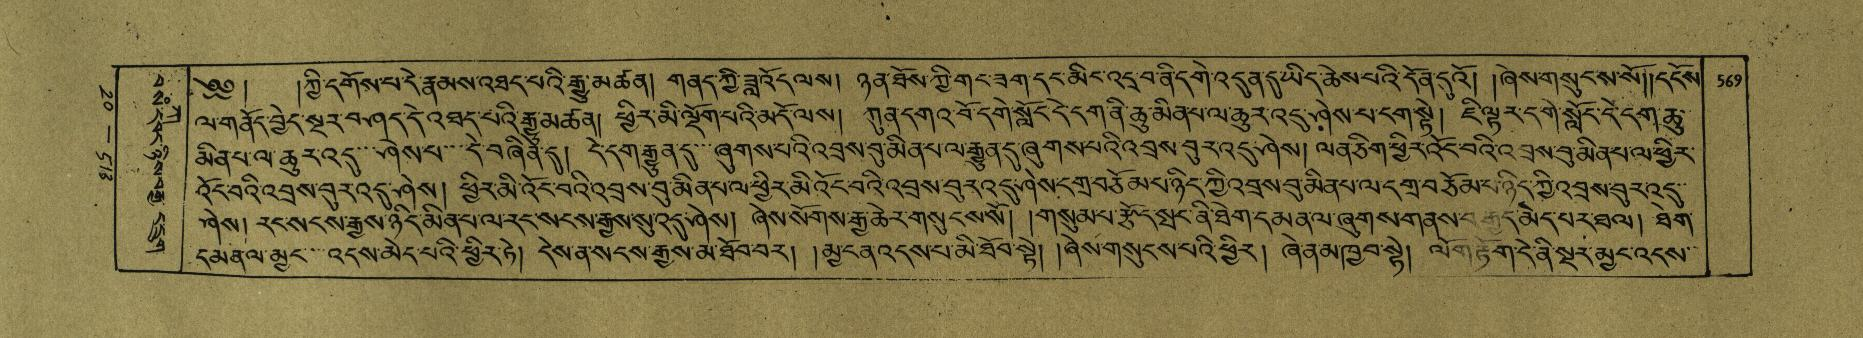༄༅། །ཀྱི་དགོས་པ་དེ་རྣམས་འཐད་པའི་རྒྱུ་མཚན། གནད་ཀྱི་ཟླ་འོད་ལས། ཉན་ཐོས་ཀྱི་གང་ཟག་དང་མིང་འདྲ་བ་ནི་དགེ་འདུན་དུ་ཡིད་ཆེས་པའི་དོན་དུའོ། །ཞེས་གསུངས་སོ། །དངོས་
ལ་གནོད་བྱེས་ངར་བཤད་དེ་འཐད་པའི་རྒྱུ་མཚན། ཕྱིར་མི་ལྡོག་པའི་མདོ་ལས། ཀུན་དགའ་བོ་དགེ་སློང་དེ་དག་ནི་ཆུ་མིན་པ་ལ་ཆུར་འདུ་ཤེས་པ་དག་སྟེ། ཇི་ལྟར་དགེ་སློང་དེ་དག་ཆུ་
མིན་པ་ལ་ཆུར་འདུ་ཤེས་པ་དེ་བཞིན་དུ། དེ་དག་རྒྱུན་དུ་ཞུགས་པའི་འབྲས་བུ་མིན་པ་ལ་རྒྱུན་དུ་ཞུགས་པའི་འབྲས་བུར་འདུ་ཤེས། ལན་ཅིག་ཕྱིར་འོང་བའི་འབྲས་བུ་མིན་པ་ལ་ཕྱིར་
འོང་བའི་འབྲས་བུར་འདུ་ཤེས། ཕྱིར་མི་འོང་བའི་འབྲས་བུ་མིན་པ་ལ་ཕྱིར་མི་འོང་བའི་འབྲས་བུར་འདུ་ཤེས་དགྲ་བཅོམ་པ་ཉིད་ཀྱི་འབྲས་བུ་མིན་པ་ལ་དགྲ་བཅོམ་པ་ཉིད་ཀྱི་འབྲས་བུར་འདུ་
ཤེས། རང་སངས་རྒྱས་ཉིད་མིན་པ་ལ་རང་སངས་རྒྱས་སུ་འདུ་ཤེས། ཞེས་སོགས་རྒྱ་ཆེར་གསུངས་སོ། །གསུམ་པ་རྩོད་སྤང་ནི་ཐེག་དམན་ལ་ཞུགས་གནས་བརྒྱད་མེད་པར་ཐལ། ཐེག་
དམན་ལ་མྱང་འདས་མེད་པའི་ཕྱིར་ཏེ། དེས་ན་སངས་རྒྱས་མ་ཐོབ་པར། །མྱ་ངན་འདས་པ་མི་ཐོབ་སྟེ། །ཞེས་གསུངས་པའི་ཕྱིར། ཞེ་ན་མ་ཁྱབ་སྟེ། ལོག་རྟོག་དེ་ནི་སྔར་མྱང་འདས་